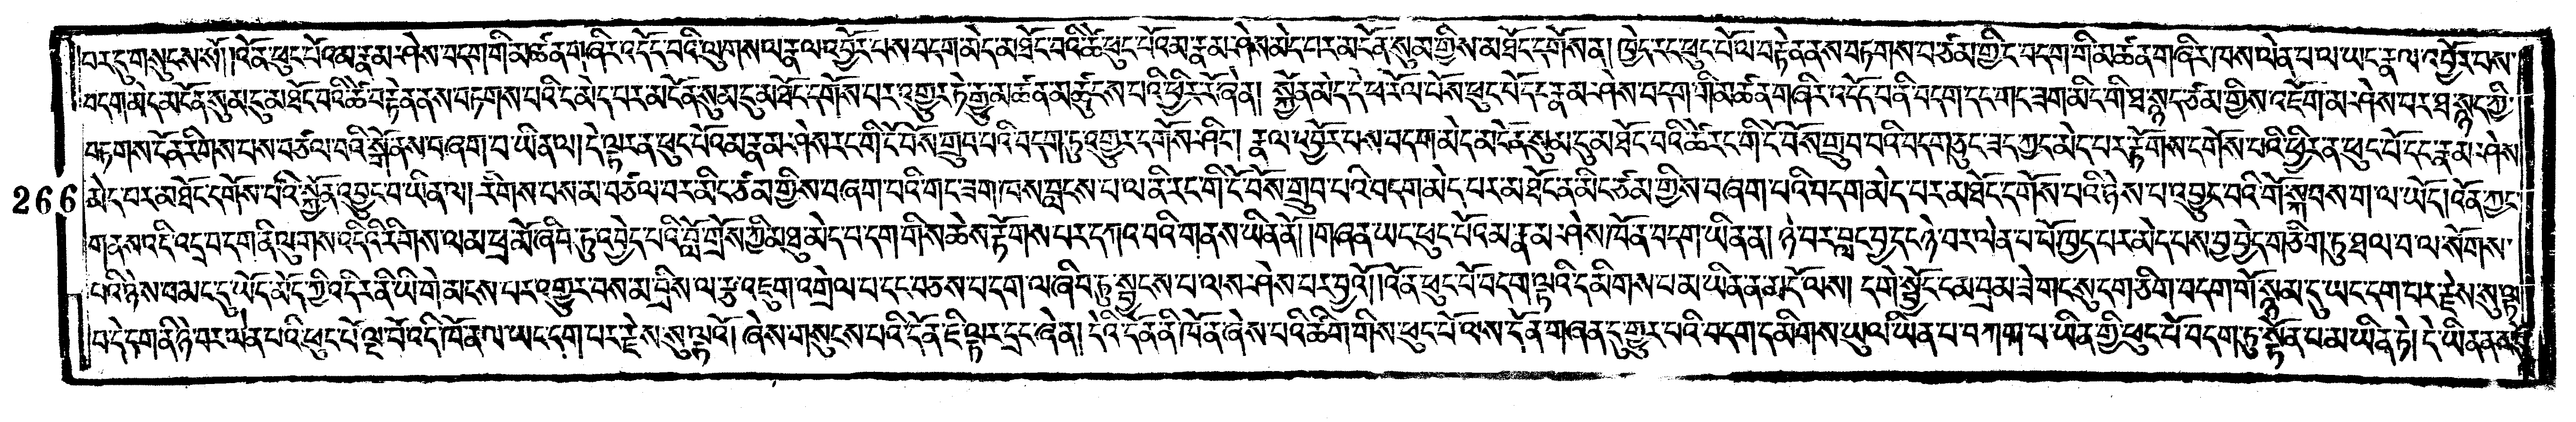བར་དུ་གསུངས་སོ། །འོ་ན་ཕུང་པོའམ་རྣམ་ཤེས་བདག་གི་མཚན་གཞིར་འདོད་བའི་ལུགས་ལ་རྣལ་འབྱོར་པས་བདག་མེད་མཐོང་བའི་ཚེ་ཕུང་པོའམ་རྣམ་ཤེས་མེད་བར་མངོན་སུམ་གྱིས་མཐོང་དགོས་ན། ཁྱེད་རང་ཕུང་པོ་ལ་བརྟེན་ནས་བཏགས་པ་ཙམ་གྱི་ང་བདག་གི་མཚན་གཞིར་ཁས་ལེན་པ་ལ་ཡང་རྣལ་འབྱོར་བས་
བདག་མེད་མངོན་སུམ་དུ་མཐོང་བའི་ཚེ་བརྟེན་ནས་བཏགས་པའི་ང་མེད་པར་མངོན་སུམ་དུ་མཐོང་དགོས་པར་འགྱུར་ཏེ་རྒྱུ་མཚན་མཚུངས་པའི་ཕྱིར་རོ་ཞེ་ན། སྐྱོན་མེད་དེ་ཕ་རོལ་པོས་ཕུང་པོ་དང་རྣམ་ཤེས་བདག་གི་མཚན་གཞིར་འདོད་པ་ནི་བདག་དང་གང་ཟག་མིང་གི་ཐ་སྙད་ཙམ་གྱིས་འཇོག་མ་ཤེས་པར་ཐ་སྙད་ཀྱི་
བཏགས་དོན་རིགས་པས་བཙལ་བའི་སྒོ་ནས་བཞག་པ་ཡིན་ལ། དེ་ལྟར་ན་ཕུང་པོའམ་རྣམ་ཤེས་རང་གི་ངོ་བོས་གྲུབ་པའི་བདག་ཏུ་འགྱུར་དགོས་ཤིང་། རྣལ་འབྱོར་པས་བདག་མེད་མངོན་སུམ་དུ་མཐོང་བའི་ཚེ་རང་གི་ངོ་བོས་གྲུབ་བའི་བདག་ཅུང་ཟད་ཀྱང་མེད་པར་རྟོགས་དགོས་པའི་ཕྱིར་ན་ཕུང་པོ་དང་རྣམ་ཤེས་
མེད་པར་མཐོང་དགོས་པའི་སྐྱོན་འབྱུང་བ་ཡིན་ལ། རིགས་པས་མ་བཙལ་བར་མི་ཙམ་གྱིས་བཞག་པའི་གང་ཟག་ཁས་བླངས་པ་ལ་ནི་རང་གི་ངོ་བོས་གྲུབ་པའི་བདག་མེད་པར་མཐོང་ན་མིང་ཙམ་གྱིས་བཞག་པའི་བདག་མེད་པར་མཐོང་དགོས་པའི་ཉེས་པ་འབྱུང་བའི་གོ་སྐབས་གལ་ཡོད། འོན་ཀྱང་
གནས་འདི་འདྲ་བདག་ནི་ལུགས་འདིའི་རིགས་ལམ་ཕྲ་མོ་ཞིབ་ཏུ་འབྱེད་པའི་བློ་གྲོས་ཀྱི་མཐུ་མེད་པ་དག་གིས་ཆེས་རྟོགས་པར་དཀའ་བའི་གནས་ཡིན་ནོ། །གཞན་ཡང་ཕུང་པོའམ་རྣམ་ཤེས་ཁོ་ན་བདག་ཡིན་ན། ཉེ་བར་བླང་བྱ་དང་ཉེ་བར་ལེན་པ་པོ་ཁྱད་བར་མེད་པས་བྱ་བྱེད་གཅིག་ཏུ་ཐལ་བ་ལ་སོགས་
བའི་ཉེས་བ་མང་དུ་ཡོད་མོད་ཀྱི་འདིར་ནི་ཡི་གེ་མངས་པར་འགྱུར་བས་མ་བྲིས་ལ་རྩ་འཇུག་འགྲེལ་བ་དང་བཅས་པ་དག་ལ་ཞིབ་ཏུ་སྦྱངས་པ་ལས་ཤེས་པར་བྱའོ། །འོ་ན་ཕུང་པོ་བདག་ལྟའི་དམིགས་པ་མ་ཡིན་ན་མདོ་ལས། དགེ་སྦྱོང་ངམ་བྲམ་ཟེ་གང་སུང་གཅིག་བདག་གོ་སྙམ་དུ་ཡང་དག་པར་རྗེས་སུ་ལྟ་
བདེ་དག་ནི་ཉེ་བར་ལེན་པའི་ཕུང་པོ་ལྔ་བོ་འདི་ཁོ་ན་ལ་ཡང་དག་པར་རྗེས་སུ་ལྟའོ། ཞེས་གསུངས་པའི་དོན་ཇི་ལྟར་དྲང་ཞེ་ན། དེའི་དོན་ནི་ཁོ་ན་ཞེས་པའི་ཚིག་གིས་ཕུང་པོ་ལས་དོན་གཞན་དུ་གྱུར་བའི་བདག་དམིགས་ཡུལ་ཡིན་པ་བཀག་པ་ཡིན་གྱི་ཕུང་པོ་བདག་ཏུ་སྟོན་པ་མ་ཡིན་ཏེ། དེ་ཡིན་ན་མདོ་